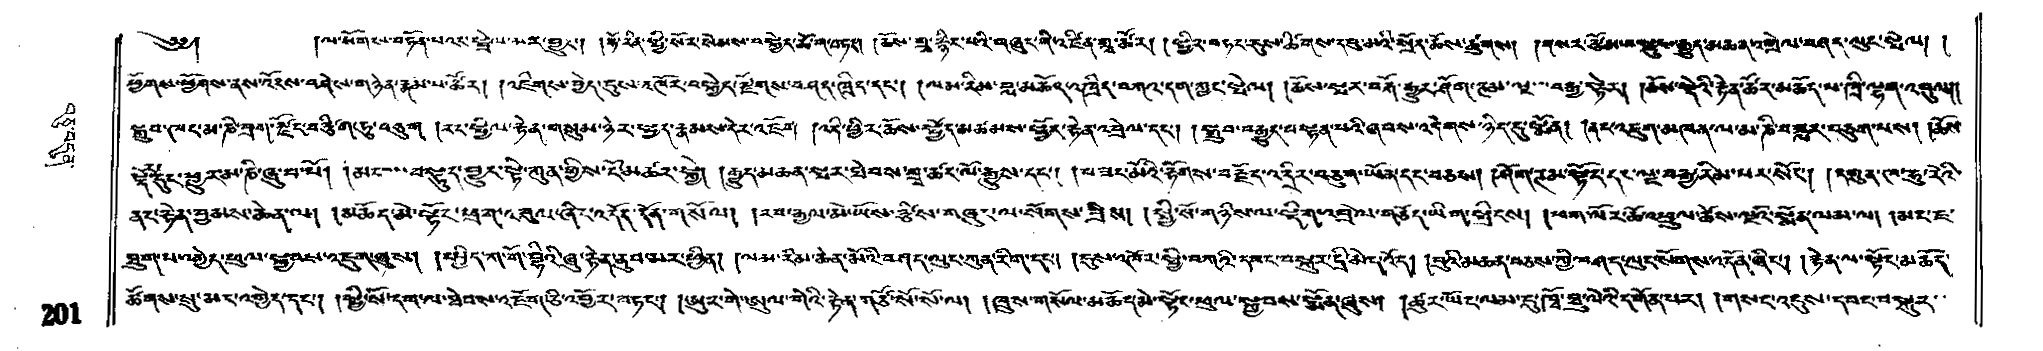༄༅། །ལ་སོགས་བཏོན་པའང་སྦྲེལ་མར་བྱུང་། །ཧོ་རིན་སྤྱི་སོར་སེམས་བསྐྱེད་ཆོ་ག་བཏང་། །ཆོས་གྲྭ་རྙིང་པའི་གཞུང་གི་འཛིན་གྲྭ་ཚོར། །སྤྱིར་བཏང་དུས་ཚིགས་དབུ་མའི་སྲོད་ཆོས་ཚུགས། །གསར་རྩོམ་བསྡུས་རྒྱུད་མཆན་འགྲེལ་བཤད་ལུང་སྤེལ། །
ཕྱོགས་ཕྱོགས་ནས་འོངས་བཤེས་གཉེན་རྣམ་པ་ཚོར། །འཇིགས་བྱེད་དུས་འཁོར་བསྐྱེད་རྫོགས་བཤད་ཁྲིད་དང་། །ལམ་རིམ་བླ་མཆོད་འཁྲིད་བཀའ་དག་ཀྱང་སྤེལ། །ཆོས་སྤར་བརྐོ་རྒྱུར་ཤོག་ཊམ་ལྔ་བརྒྱ་སྟེར། །ཆོས་སྡེའི་རྟེན་ཚོར་མཆོད་པ་ཁྲི་ལྷག་འབུལ།།
སྒྲུབ་ཁང་མ་ཎི་བྲག་རྫོང་བརྩིག་ཏུ་བཅུག །རང་སྤྱིལ་རྟེན་གསུམ་ཉེར་སྤྱད་རྣམས་དེར་འཇོག །འདི་ཕྱིར་ཆོས་སྤྱོད་མཚམས་སྦྱོར་རྟེན་འབྲེལ་དང་། །སྒྲུབ་བརྒྱུད་བསྟན་པའི་ཞབས་འདེགས་ཉིད་དུ་སྨོན། །ནང་འཇུག་མཁན་ལ་མ་ཎི་བཟླར་བཅུག་པས། །ཆོས་
སྡེར་དུང་ཕྱུར་མ་ཎི་ཞུ་བ་པོ། །མང་བསྟུད་བྱུང་སྟེ་ཀུན་གྱིས་ངོ་མཚར་སྐྱེ། །རྒྱུད་མཆན་སྤར་ཐེབས་གྲྭ་ཚང་ལོ་རྒྱུས་དང་། །བཟང་མོའི་རྟོགས་བརྗོད་འདིར་བཅུག་ཡོན་དང་བཅས། །ཤོག་ཊམ་སྟོང་དང་ལྔ་བརྒྱ་རིམ་པར་སོང་། །དགུན་ཁ་ཧུ་རེའི་
ནང་རྟེན་བྱམས་ཆེན་ལ། །མཆོད་མེ་སྟོང་ཕྲག་འབུལ་ཞིང་འདོད་དོན་གསོལ། །རབ་རྒྱལ་མེ་ཡོས་རྩིས་གཞུང་ལ་སོགས་བྲིས། །སྤྱི་སོ་གཉིས་ལ་སྡིག་འབྲེལ་གཅོད་ཡིག་སྤྲིངས། །ཕག་ལོར་ཆོ་འཕྲུལ་ཚེས་ལྔའི་སྨོན་ལམ་ལ། །མང་ཇ་
ཐུག་པ་འགྱེད་ཕུལ་སྐྱབས་འཇུག་ཞུས། །དཔྱིད་ཀ་གོ་བྷིའི་ཞུ་རྟེན་ནུབ་མར་ཕྱིན། །ལམ་རིམ་ཆེན་མོའི་བཤད་ལུང་ཀུན་རིག་དང་། །དུས་འཁོར་སྤྱི་བཀའི་དབང་བསྐུར་དྲི་མེད་འོད། །བུའི་མཆན་བཅས་ཀྱི་བཤད་ལུང་སོགས་འདོན་ཞིང་། །རྟེན་ལ་སྟོང་མཆོད་
ཚོགས་སུ་མང་འགྱེད་དང་། །སྤྱི་སོ་དག་ལ་ཐེབས་འཇོག་ཅི་འབྱོར་བཏང་། །ཨུར་གེ་ཨུལ་གེའི་རྟེན་གཙོ་སོ་སོ་ལ། །ཁྲུས་གསོལ་མཆོད་མེ་སྟོང་ཕུལ་སྐྱབས་སྨོན་ཞུས། །ཚུར་ཡོང་ལམ་དུ་ཁྭོ་ཐུ་ལེའི་དགོན་པར། །གསང་འདུས་དབང་བསྐུར་